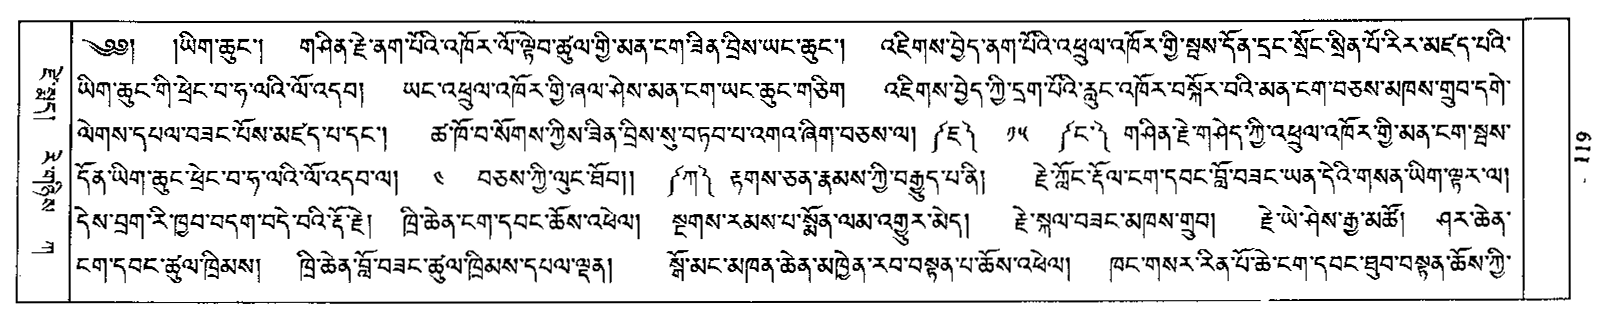༄༅། །ཡིག་ཆུང་། གཤིན་རྗེ་ནག་པོའི་འཁོར་ལོ་ལྟེབ་ཚུལ་གྱི་མན་ངག་ཟིན་བྲིས་ཡང་ཆུང་། འཇིགས་བྱེད་ནག་པོའི་འཕྲུལ་འཁོར་གྱི་སྦས་དོན་དྲང་སྲོང་སྲིན་པོ་རིར་མཛད་པའི་
ཡིག་ཆུང་གི་ཕྲེང་བ་ཧ་ལའི་ལོ་འདབ། ཡང་འཕྲུལ་འཁོར་གྱི་ཞལ་ཤེས་མན་ངག་ཡང་ཆུང་གཅིག་འཇིགས་བྱེད་ཀྱི་དྲག་པོའི་རླུང་འཁོར་བསྐོར་བའི་མན་ངག་བཅས་མཁས་གྲུབ་དགེ་
ལེགས་དཔལ་བཟང་པོས་མཛད་པ་དང་། ཚ་ཁོ་བ་སོགས་ཀྱིས་ཟིན་བྲིས་སུ་བཏབ་པ་འགའ་ཞིག་བཅས་ལ། ༼ཇ྄ ༡༥་༽ང྄་གཤིན་རྗེ་གཤེད་ཀྱི་འཕྲུལ་འཁོར་གྱི་མན་ངག་སྦས་
དོན་ཡིག་ཆུང་ཕྲེང་བ་ཧ་ལའི་ལོ་འདབ་ལ། ༤་བཅས་ཀྱི་ལུང་ཐོབ།། ཀ྄་རྟགས་ཅན་རྣམས་ཀྱི་བརྒྱུད་པ་ནི། རྗེ་ཀློང་རྡོལ་ངག་དབང་བློ་བཟང་ཡན་དེའི་གསན་ཡིག་ལྟར་ལ།
དེས་བྲག་རི་ཁྱབ་བདག་བདེ་བའི་རྡོ་རྗེ། ཁྲི་ཆེན་ངག་དབང་ཆོས་འཕེལ། སྔགས་རམས་པ་སྨོན་ལམ་འགྱུར་མེད། རྗེ་སྐལ་བཟང་མཁས་གྲུབ། རྗེ་ཡེ་ཤེས་རྒྱ་མཚོ། ཤར་ཆེན་
ངག་དབང་ཚུལ་ཁྲིམས། ཁྲི་ཆེན་བློ་བཟང་ཚུལ་ཁྲིམས་དཔལ་ལྡན། སྒོ་མང་མཁན་ཆེན་མཁྱེན་རབ་བསྟན་པ་ཆོས་འཕེལ། ཁང་གསར་རིན་པོ་ཆེ་ངག་དབང་ཐུབ་བསྟན་ཆོས་ཀྱི་